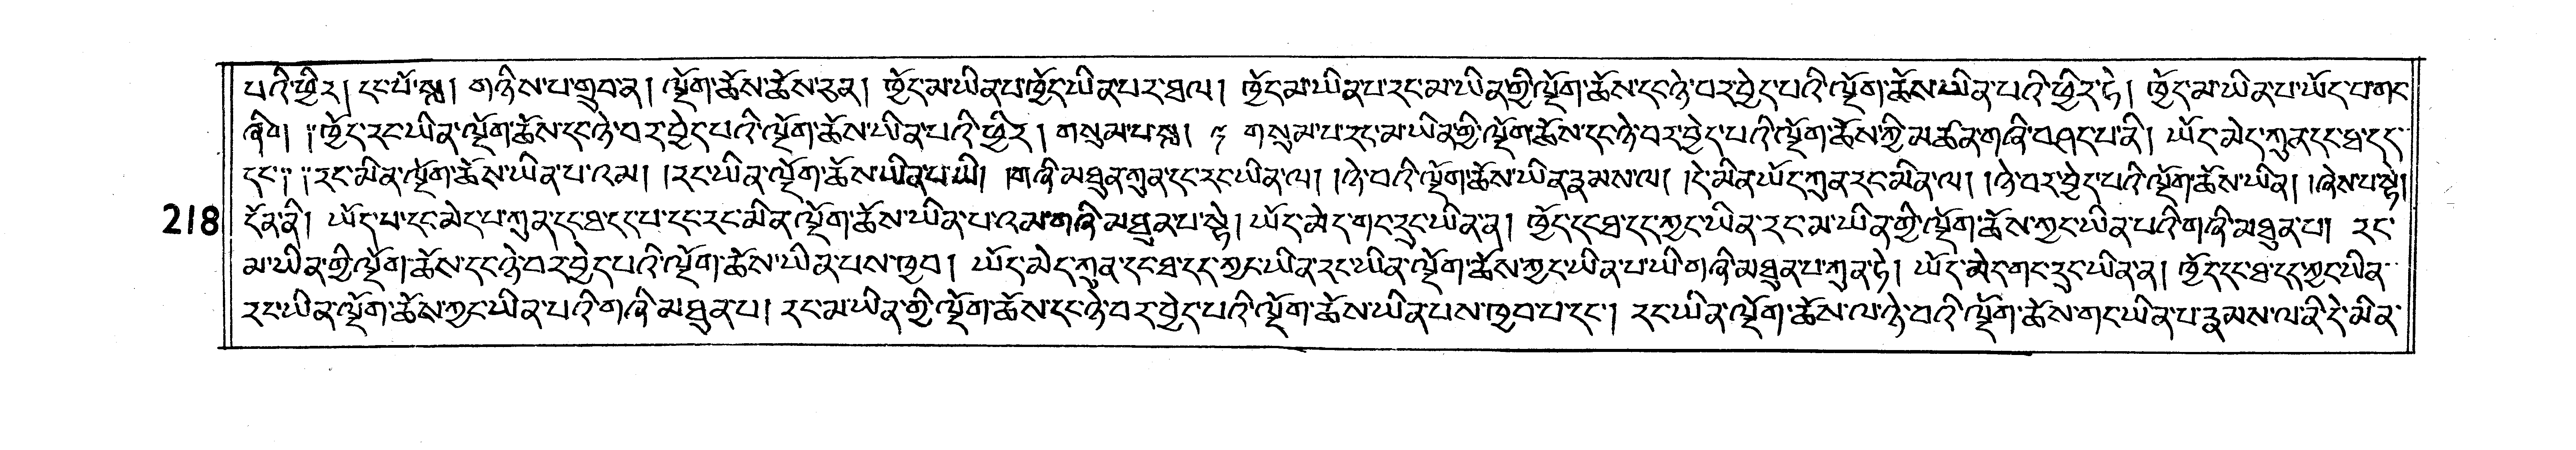པའི་ཕྱིར། དང་པོ་སླ། གཉིས་པ་གྲུབ་ན། ལྡོག་ཆོས་ཆོས་ཅན། ཁྱོད་མ་ཡིན་པ་ཁྱོད་ཡིན་པར་ཐལ། ཁྱོད་མ་ཡིན་པ་རང་མ་ཡིན་གྱི་ལྡོག་ཆོས་དང་ཉེ་བར་བྱེད་པའི་ལྡོག་ཆོས་ཡིན་པའི་ཕྱིར་ཏེ། ཁྱོད་མ་ཡིན་པ་ཡོད་པ་གང་
ཞིབ། ༑ཁྱོད་རང་ཡིན་ལྡོག་ཆོས་དང་ཉེ་བར་བྱེད་པའི་ལྡོག་ཆོས་ཡིན་པའི་ཕྱིར། གསུམ་པ་སླ། ༈ གསུམ་པ་རང་མ་ཡིན་གྱི་ལྡོག་ཆོས་དང་ཉེ་བར་བྱེད་པའི་ལྡོག་ཆོས་ཀྱི་མཚན་གཞི་བཤད་པ་ནི། ཡོད་མེད་ཀུན་དང་ཐ་དད་
དང༑ ༑རང་མིན་ལྡོག་ཆོས་ཡིན་པ་འམ། །རང་ཡིན་ལྡོག་ཆོས་ཡིན་པ་ཡི། །གཞི་མཐུན་ཀུན་དང་རང་ཡིན་ལ། །ཉེ་བའི་ལྡོག་ཆོས་ཡིན་རྣམས་ལ། །དེ་མིན་ཡོད་ཀུན་རང་མིན་ལ། །ཉེ་བར་བྱེད་པའི་ལྡོག་ཆོས་ཡིན། །ཞེས་པ་སྟེ།
དོན་ནི། ཡོད་པ་དང་མེད་པ་ཀུན་དང་ཐ་དད་པ་དང་རང་མིན་ལྡོག་ཆོས་ཡིན་པ་འམ་གཞི་མཐུན་པ་སྟེ། ཡོད་མེད་གང་རུང་ཡིན་ན། ཁྱོད་དང་ཐ་དད་ཀྱང་ཡིན་རང་མ་ཡིན་གྱི་ལྡོག་ཆོས་ཀྱང་ཡིན་པའི་གཞི་མཐུན་པ། རང་
མ་ཡིན་གྱི་ལྡོག་ཆོས་དང་ཉེ་བར་བྱེད་པའི་ལྡོག་ཆོས་ཡིན་པས་ཁྱབ། ཡོད་མེད་ཀུན་དང་ཐ་དད་ཀྱང་ཡིན་རང་ཡིན་ལྡོག་ཆོས་ཀྱང་ཡིན་པ་ཡི་གཞི་མཐུན་པ་ཀུན་ཏེ། ཡོད་མེད་གང་རུང་ཡིན་ན། ཁྱོད་དང་ཐ་དད་ཀྱང་ཡིན་
རང་ཡིན་ལྡོག་ཆོས་ཀྱང་ཡིན་པའི་གཞི་མཐུན་པ། རང་མ་ཡིན་གྱི་ལྡོག་ཆོས་དང་ཉེ་བར་བྱེད་པའི་ལྡོག་ཆོས་ཡིན་པས་ཁྱབ་པ་དང་། རང་ཡིན་ལྡོག་ཆོས་ལ་ཉེ་བའི་ལྡོག་ཆོས་གང་ཡིན་པ་རྣམས་ལ་ནི་དེ་མིན་